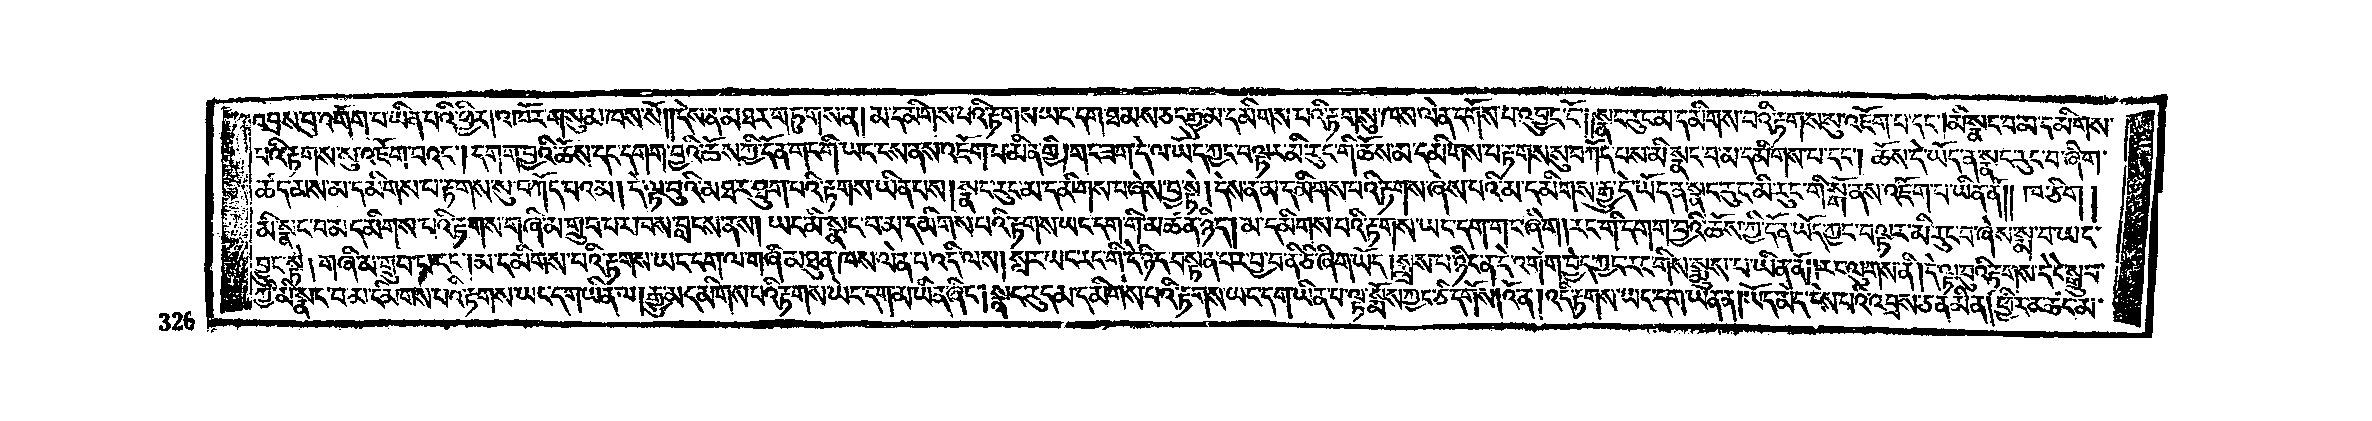འབྲས་བུ་འགོག་པ་ཡིན་པའི་ཕྱིར། འཁོར་གསུམ་ཁས་སོ། །དེས་ན་མཐར་གཏུགས་ན། མ་དམིགས་པའི་རྟགས་ཡང་དག་ཐམས་ཅད་རྒྱུ་མ་དམིགས་པའི་རྟགས་སུ་ཁས་ལེན་དགོས་པ་འབྱུང་ངོ། །སྣང་རུང་མ་དམིགས་པའི་རྟགས་སུ་འཇོག་པ་དང་། མི་སྣང་བ་མ་དམིགས་
པའི་རྟགས་སུ་འཇོག་པའང་། དགག་བྱའི་ཆོས་དང་དགག་བྱའི་ཆོས་ཀྱི་དོན་གང་གི་ཡང་ངས་ནས་འཇོག་པ་མིན་གྱི། གང་ཟག་དེ་ལ་ཡོད་ཀྱང་བལྟར་མི་རུང་གི་ཆོས་མ་དམིགས་པ་རྟགས་སུ་བཀོད་པས་མི་སྣང་བ་མ་དམིགས་པ་དང་། ཆོས་དེ་ཡོད་ན་སྣང་རུང་བ་ཞིག་
ཚད་མས་མ་དམིགས་པ་རྟགས་སུ་བཀོད་པའམ། དེ་ལྟ་བུའི་མཐར་ཐུག་པའི་རྟགས་ཡིན་པས། སྣང་རུང་མ་དམིགས་པ་ཞེས་བྱ་སྟེ། དེས་ན་མ་དམིགས་པའི་རྟགས་ཞེས་པའི་མ་དམིགས་རྒྱུ་དེ་ཡོད་ན་སྣང་རུང་མི་རུང་གི་སྒོ་ནས་འཇོག་པ་ཡིན་ནོ།། ཁ་ཅིག །
མི་སྣང་བ་མ་དམིགས་པའི་རྟགས་གཞི་མ་གྲུབ་པར་ཁས་བླངས་ནས། ཡང་མི་སྣང་བ་མ་དམིགས་པའི་རྟགས་ཡང་དག་གི་མཚན་ཉིད། མ་དམིགས་པའི་རྟགས་ཡང་དག་གང་ཞིག། རང་གི་དགག་བྱའི་ཆོས་ཀྱི་དོན་ཡོད་ཀྱང་བལྟར་མི་རུང་བ་ཞེས་སྨྲ་བ་ཡང་
བྱུང་སྟེ། གཞི་མ་གྲུབ་པ་དང་། མ་དམིགས་པའི་རྟགས་ཡང་དག་ལ་གཞི་མཐུན་ཁས་ལེན་པ་འདི་ལས། སླར་ཡང་རང་གི་དེ་ཉིད་བསྟན་པར་བྱ་བ་ནི་ཅི་ཞིག་ཡོད། སྨྲས་པ་ཉིད་ན་དེ་འགོག་བྱེད་ཀྱང་རང་གིས་སྨུས་པ་ཡིན་ནོ། །རང་ལུགས་ནི། དེ་ལྟ་བུའི་རྟགས་དེ་དེ་སྒྲུབ་
ཀྱི་མི་སྣང་བ་མ་དམིགས་པའི་རྟགས་ཡང་དག་ཡིན་ལ། རྒྱུ་མ་དམིགས་པའི་རྟགས་ཡང་དག་མ་ཡིན་ཞིང་། སྣང་རུང་མ་དམིགས་པའི་རྟགས་ཡང་དག་ཡིན་པ་ལྟ་སྨོས་ཀྱང་ཅི་དགོས། འོ་ན། འདི་རྟགས་ཡང་དག་ཡིན་ན། ཡོད་མེད་ངེས་པའི་འབྲས་ཅན་མིན། ཕྱིར་མཚང་མ་